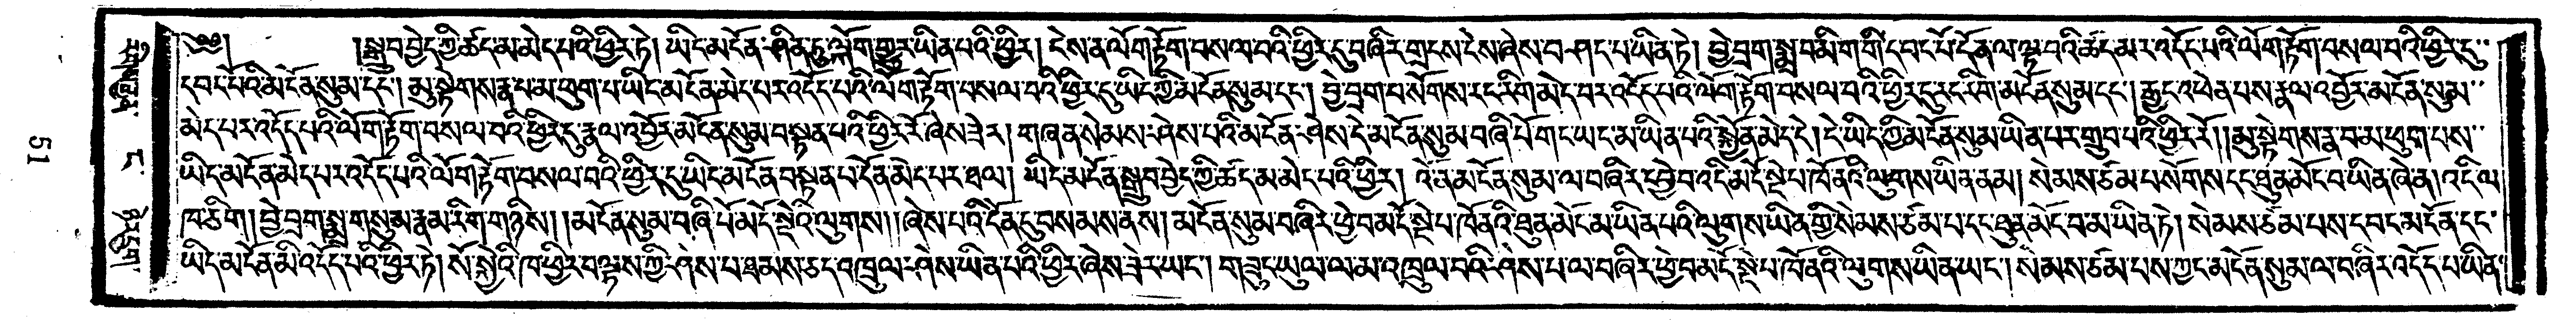༄༅། །སྒྲུབ་བྱེད་ཀྱི་ཚད་མ་མེད་པའི་ཕྱིར་ཏེ། ཡིད་མངོན་ཤིན་ཏུ་ལྐོག་གྱུར་ཡིན་པའི་ཕྱིར། དེས་ན་ལོག་རྟོག་བསལ་བའི་ཕྱིར་དུ་བཞིར་གྲངས་ངེས་ཞེས་བཤད་པ་ཡིན་ཏེ། བྱེ་བྲག་སྨྲ་བ་མིག་གི་དབང་པོ་དོན་ལ་ལྟ་བའི་ཚད་མར་འདོད་པའི་ལོག་རྟོག་བསལ་བའི་ཕྱིར་དུ་
དབང་པོའི་མངོན་སུམ་དང་། མུ་སྟེགས་རྣ་བ་མ་ཕུག་པ་ཡིད་མངོན་མེད་པར་འདོད་པའི་ལོག་རྟོག་བསལ་བའི་ཕྱིར་དུ་ཡིད་ཀྱི་མངོན་སུམ་དང་། བྱེ་བྲག་པ་སོགས་རང་རིག་མེད་པར་འདོད་པའི་ལོག་རྟོག་བསལ་བའི་ཕྱིར་དུ་རང་རིག་མངོན་སུམ་དང་། རྒྱང་འཕེན་པས་རྣལ་འབྱོར་མངོན་སུམ་
མེད་པར་འདོད་པའི་ལོག་རྟོག་བསལ་བའི་ཕྱིར་དུ་རྣལ་འབྱོར་མངོན་སུམ་བསྟན་པའི་ཕྱིར་རོ་ཞེས་ཟེར། གཞན་སེམས་ཤེས་པའི་མངོན་ཤེས་དེ་མངོན་སུམ་བཞི་པོ་གང་ཡང་མ་ཡིན་པའི་སྐྱོན་མེད་དེ། དེ་ཡིད་ཀྱི་མངོན་སུམ་ཡིན་པར་གྲུབ་པའི་ཕྱིར་རོ། །མུ་སྟེགས་རྣ་བ་མ་ཕུག་པས་
ཡིད་མངོན་མེད་པར་འདོད་པའི་ལོག་རྟོག་བསལ་བའི་ཕྱིར་དུ་ཡིད་མངོན་བསྟན་པ་དོན་མེད་པར་ཐལ། ཡིད་མངོན་སྒྲུབ་བྱེད་ཀྱི་ཚད་མ་མེད་པའི་ཕྱིར། འོ་ན་མངོན་སུམ་ལ་བཞིར་དབྱེ་བ་འདི་མདོ་སྡེ་པ་ཁོ་ནའི་ལུགས་ཡིན་ནམ། སེམས་ཙམ་པ་སོགས་དང་ཐུན་མོང་བ་ཡིན་ཞེ་ན། འདི་ལ་
ཁ་ཅིག །བྱེ་བྲག་སྨྲ་གསུམ་རྣམ་རིག་གཉིས། །མངོན་སུམ་བཞི་པོ་མདོ་སྡེའི་ལུགས། །ཞེས་པའི་དོན་དུ་བསམས་ནས། མངོན་སུམ་བཞིར་ཕྱེ་བ་མདོ་སྡེ་པ་ཁོ་ནའི་ཐུན་མོང་མ་ཡིན་པའི་ལུགས་ཡིན་གྱི་སེམས་ཙམ་པ་དང་ཐུན་མོང་བ་མ་ཡིན་ཏེ། སེམས་ཙམ་པས་དབང་མངོན་དང་
ཡིད་མངོན་མི་འདོད་པའི་ཕྱིར་ཏེ། སོ་སྐྱེའི་ཁ་ཕྱིར་བལྟས་ཀྱི་ཤེས་པ་ཐམས་ཅད་འཁྲུལ་ཤེས་ཡིན་པའི་ཕྱིར་ཞེས་ཟེར་ཡང་། གཟུང་ཡུལ་ལ་མ་འཁྲུལ་བའི་ཤེས་པ་ལ་བཞིར་ཕྱེ་བ་མདོ་སྡེ་པ་ཁོ་ནའི་ལུགས་ཡིན་ཡང་། སེམས་ཙམ་པས་ཀྱང་མངོན་སུམ་ལ་བཞིར་འདོད་པ་ཡིན་